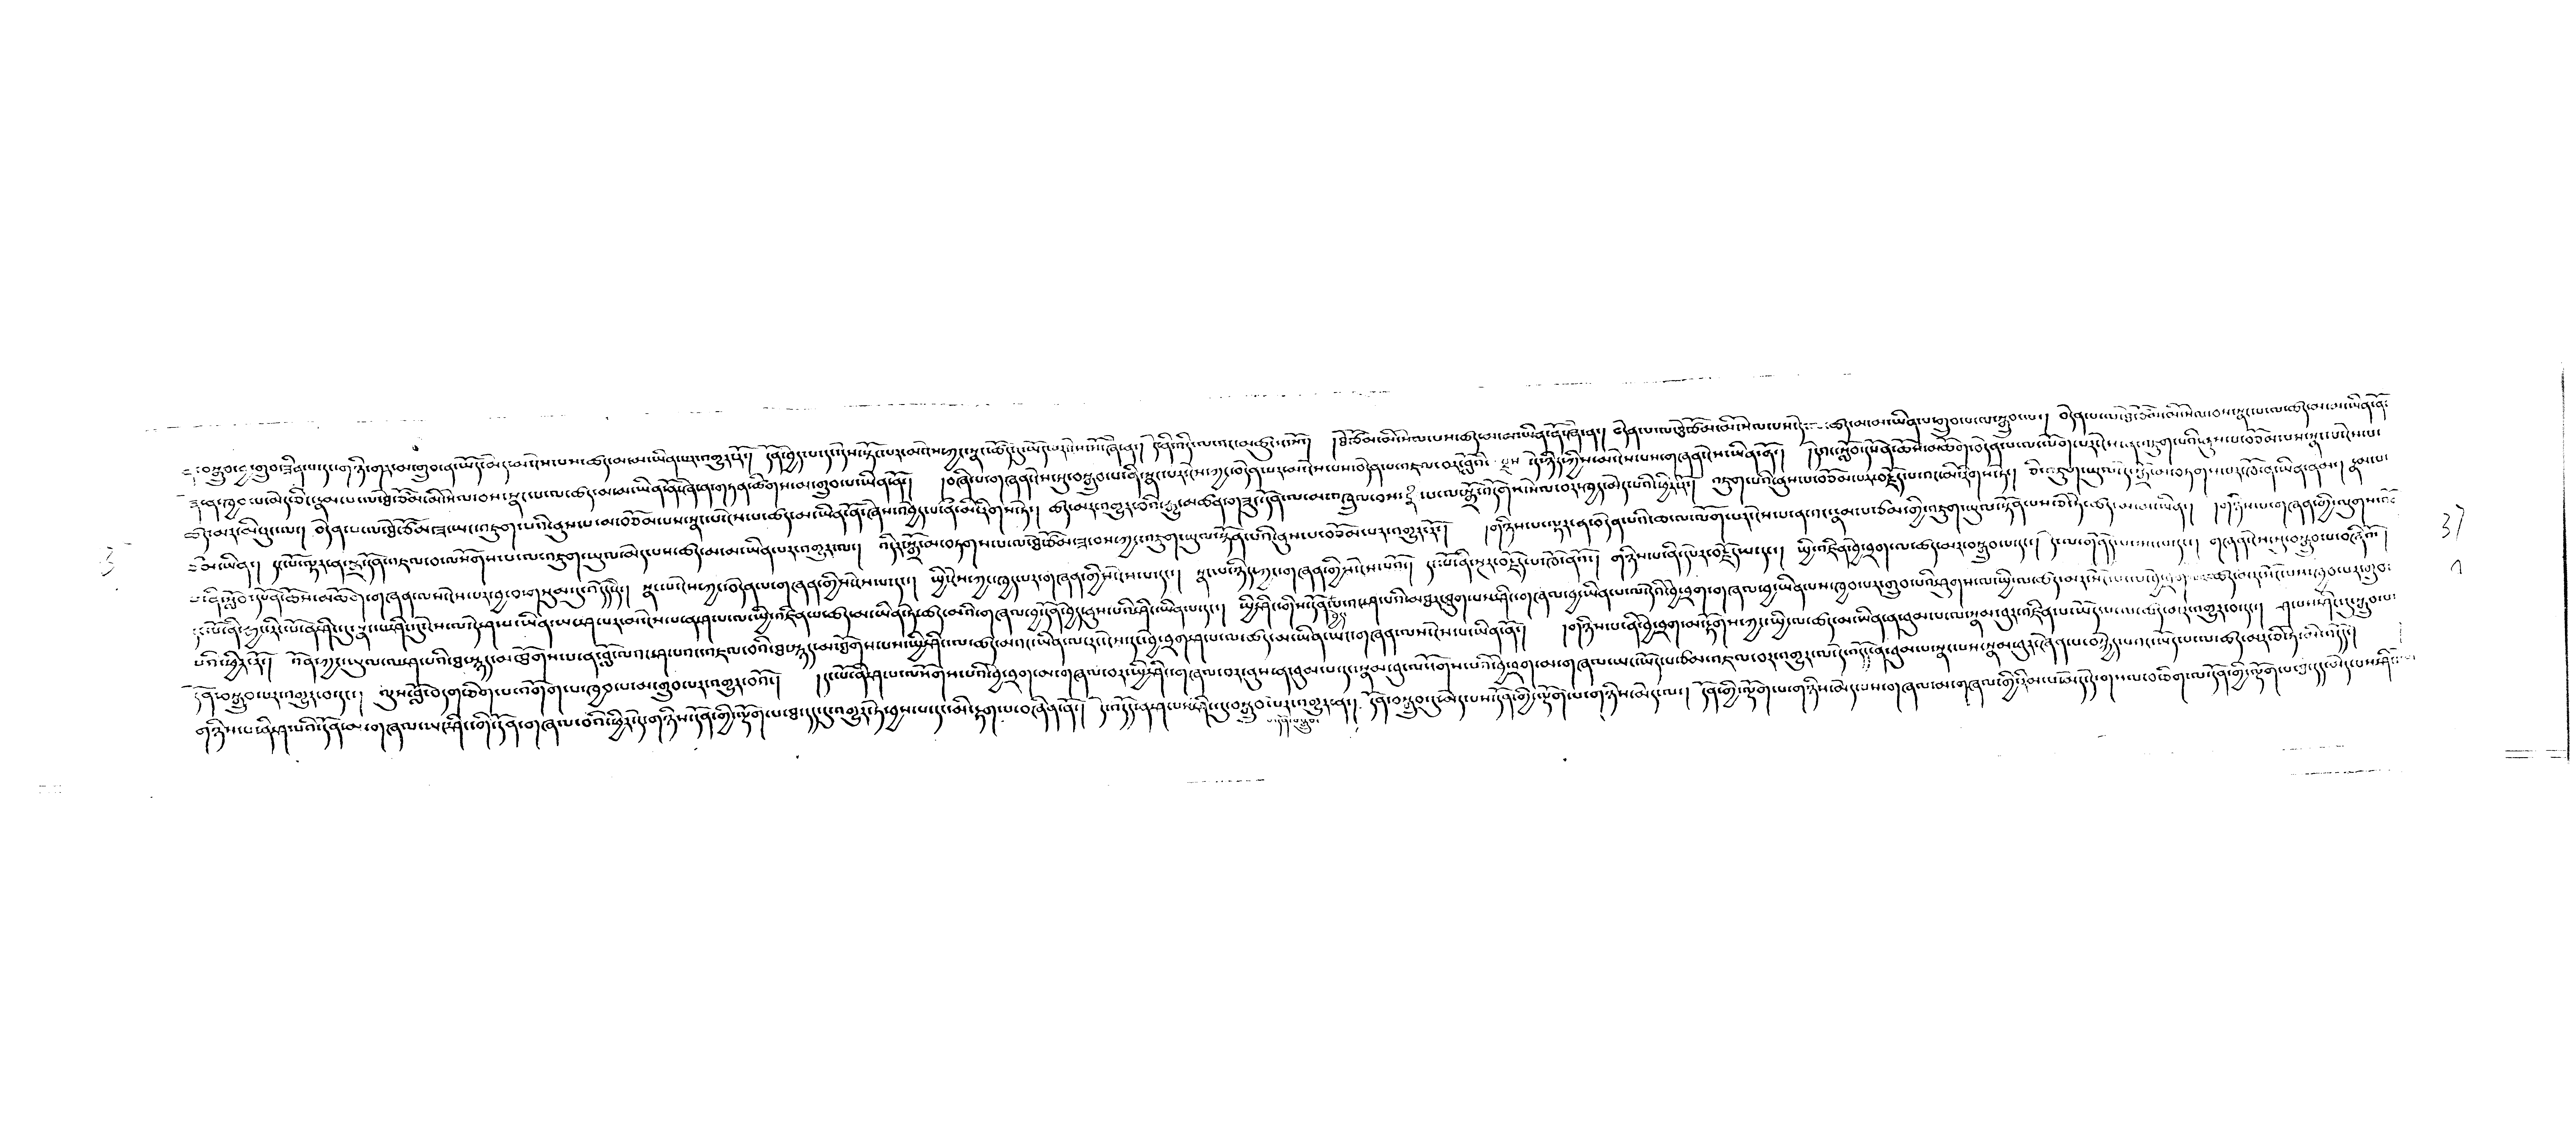ན་བསྒྲུབ་བྱ་བྱ་གྲུབ་ཟིན་པ་དང་གཉི་གར་མ་གྲུབ་ན་ཡོད་མེད་མ་ངེས་པས་ཚད་མ་མ་ཡིན་པར་འགྱུར་རོ། དོན་བྱེད་པ་དང་དེས་སྟོང་པར་མ་ངེས་ཀྱང་སྣང་ཚོད་དུ་ཡོད་པར་ངེས་སོ་ཞེ་ན། དེ་ནི་འདི་ལ་འང་མཚུངས་སོ། །ཐེ་ཙོམ་མི་སེལ་པས་ཚད་མ་མ་ཡིན་ནོ་ཞེ་ན། བདེན་པ་ལ་ཐེ་ཚོམ་མི་སེལ་པས་དེ་ལ་ཚད་མ་མ་ཡིན་པ་གྲུབ་པ་ལ་སྒྲུབ་པ། བདེན་པ་ལ་ཐེ་ཙོམ་མི་སེལ་བས་སྣང་པ་ལ་ཚད་མ་མ་ཡིན་ནོ་
ཞེ་ན་ཁྱབ་པ་མེད་ཅིང་རྣམ་པ་ལ་ཐེ་ཙོམ་མི་སེལ་བས་སྣང་པ་ལ་ཚད་མ་མ་ཡིན་ནོ་ཞེ་ན་གཏན་ཚིགས་མ་གྲུབ་པ་ཡིན་ནོ། །བཞི་པ་གཞན་ངེས་སུ་བསྒྲུབ་པ་ནི་སྣང་པར་ངེས་ཀྱང་བདེན་པར་མ་ངེས་པས་བདེན་པ་འཇལ་བར་བློའི་རྫས་དེ་ཉིད་ཀྱིས་མ་ངེས་པས་གཞན་ངེས་ཡིན་ནོ། །དེའང་སློབ་དཔོན་ཆོས་མཆོག་བདེན་པ་ལ་ལོག་པར་ངེས་ན་འཇུག་པའི་ནུས་པ་བཅོམ་པས་སྣང་པ་ངེས་པ་
ཚད་མར་མི་རུང་ལ། བདེན་པ་ལ་ཐེ་ཙོམ་ཟ་ཡང་འཇུག་པའི་ནུས་པ་མ་བཅོམ་པས་སྣང་པ་ངེས་པ་ཚད་མ་ཡིན་ནོ་ཞེས་འབྱེད་པ་ནི་མི་རིགས་ཏེ། ཚད་མར་འགྱུར་བའི་རྒྱུ་མཚན་གཟུང་དོན་ལ་མ་འཁྲུལ་བས་རྣམ་པ་ལ་སྒྲོ་འདོགས་སེལ་བར་ཁྱད་མེད་པའི་ཕྱིར་རོ། འཇུག་པའི་ནུས་པ་བཅོམ་པར་བརྗོད་པ་འང་མི་རིགས་ཏེ། ཅི་འཇུག་ཡུལ་དེ་སྒྲོ་མ་བཏགས་པར་ཁོ་ན་ཡིན་ནམ། རྣམ་པ་
ཙམ་ཡིན། དང་པོ་ལྟར་ན་སྒྲ་དོན་འཇལ་བ་ལ་སོགས་པ་ལ་འཇུག་ཡུལ་མེད་པས་ཚད་མ་མ་ཡིན་པར་འགྱུར་ལ། འདིར་སྒྲོ་མ་བཏགས་པ་ལ་ཐེ་ཙོམ་ཟ་བས་ཀྱང་འཇུག་ཡུལ་སྟོན་པའི་ནུས་པ་བཅོམ་པར་འགྱུར་རོ། །གཉིས་པ་ལྟར་ན་བདེན་པའི་ཆ་ལ་ལོག་པར་ངེས་པ་ན་འང་རྣམ་པ་ཙམ་གྱི་འཇུག་ཡུལ་སྟོན་པས་ཅི་ཏེ་ཚད་མ་མ་ཡིན། གཉིས་པ་གཞན་གྱི་ལུགས་?
པ་ནི་སློབ་དཔོན་ཆོས་མཆོག་གཞན་ལས་ངེས་པར་བྱ་བ་གསུམ་དུ་འདོད་དེ། སྣང་པ་ངེས་ཀྱང་བདེན་པ་གཞན་གྱིས་ངེས་པ་དང་། སྤྱི་ངེས་ཀྱང་ཁྱད་པར་གཞན་གྱིས་ངེས་པ་དང་། སྣང་པ་ཉིད་ཀྱང་གཞན་གྱིས་ངེས་པའོ། དང་པོ་ནི་སྔར་བརྗོད་པ་ཁོ་ནའོ། གཉིས་པ་ནི་དཔེར་བརྗོད་པ་དང་། སྤྱི་འཛིན་བྱེ་བྲག་ལ་ཚད་མར་བསྒྲུབ་པ་དང་། དེ་ལ་གནོད་པ་སྤང་བ་དང་། གཞན་ངེས་སུ་བསྒྲུབ་པ་བཞིའོ།
དང་པོ་ནི་རྒྱང་རིང་པོ་ན་ཤིང་དུ་སྣང་པ་ཤིང་དུ་ངེས་ལ་དེ་ཤ་པ་ཡིན་ཡང་ཤ་པར་མ་ངེས་པ་ན་ཤ་པ་ལ་སྤྱི་འཛིན་པ་ཚད་མ་ཡིན་ཏེ་ཚད་མའི་གཞལ་བྱ་དོན་བྱེད་ནུས་པའི་ཤིང་ཡིན་པ་དང་། སྤྱི་ཤིང་གིས་དོན་བྱེད་པ་འང་ཤ་པའི་མཐར་ཐུག་པས་ཤིང་གཞལ་བྱ་ཡིན་པ་ལ་དེའི་བྱེ་བྲག་གཞལ་བྱ་ཡིན་པས་ཁྱབ་པར་གྲུབ་པའི་ཤུགས་ལ་སྤྱི་ལ་ཚད་མར་སོང་པ་ལ་བྱེ་བྲག་ལ?་ཚད་མར་སོང་པས་ཁྱབ་པར་གྲུབ་
པའི་ཕྱིར་རོ། འོན་ཀྱང་ཡུལ་ལ་ཤ་པའི་ཐ་སྙད་མ་ཐོགས་པ་ན་བློ་ལའང་ཤ་པའང་འཇལ་བའི་ཐ་སྙད་མ་ཐོགས་པས་སྤྱི་ཤིང་ལ་ཚད་མའང་ཡིན་ལ་རང་ངེས་དང་བྱེ་བྲག་ཤ་པ་ལ་ཚད་མ་ཡིན་ཡང་གཞན་ལས་ངེས་པ་ཡིན་ནོ། །གཉིས་པ་ནི་བྱེ་བྲག་མ་རྟོགས་ཀྱང་སྤྱི་ལ་ཚད་མ་ཡིན་ན་བུམ་པ་ལ་སྣམ་བུར་འཛིན་པ་ཡོད་པ་ལ་ཚད་མར་འགྱུར་བ་དང་། ཤ་པས་ཤིང་དུ་སྒྲུབ་པ་
དོན་བསྒྲུབ་པར་འགྱུར་བ་དང་། ལུས་བློ་བདག་ཅིག་པ་འགོག་པ་ཁྱབ་པ་མ་གྲུབ་པར་འགྱུར་བའོ། །དང་པོ་ནི་ཤ་པ་ལ་སོགས་པའི་བྱེ་བྲག་མ་གཞལ་བར་སྤྱི་ཤིང་གཞལ་བར་ནུས་ན་བུམ་པ་དང་སྣམ་བུ་ལ་སོགས་པའི་བྱེ་བྲག་མ་གཞལ་ཡང་ཡོད་པ་ཙམ་འཇལ་བར་འགྱུར་ལ་དེ་འདོད་ན་བུམ་པ་སྣང་པས་སྣམ་བུར་ཞེན་པ་བསྐྱེད་པའང་ཡོད་པ་ལ་ཚད་མར་ཅི་ཏེ་མི་འདོད།
གཉིས་པ་ནི་ཤ་པའི་དོན་མ་གཞལ་ཡང་ཤིང་གི་དོན་གཞལ་བའི་ཕྱིར་དེ་གཉིས་དོན་གྱི་ལྡོག་པ་ཐ་དད་དུ་འགྱུར་ཏེ་བྱས་པ་དང་མི་རྟག་པ་བཞིན་ནོ། དེ་འདོད་ན་ཤ་པས་ཤིང་དུ་བསྒྲུབ་པ་དོན་བསྒྲུབ་པར་འགྱུར་ན། དོན་བསྒྲུབ་དུ་མེད་པས་དོན་གྱི་ལྡོག་པ་གཉིས་མེད་ལ། དོན་གྱི་ལྡོག་པ་གཉིས་མེད་པས་གཞལ་མ་གཞལ་གྱི་རིམ་པ་མེད་དེ་གསལ་བ་ཅིག་ལ་དོན་གྱི་ལྡོག་པ་ཐ་དད་མེད་པས་ཤིང་པོ?